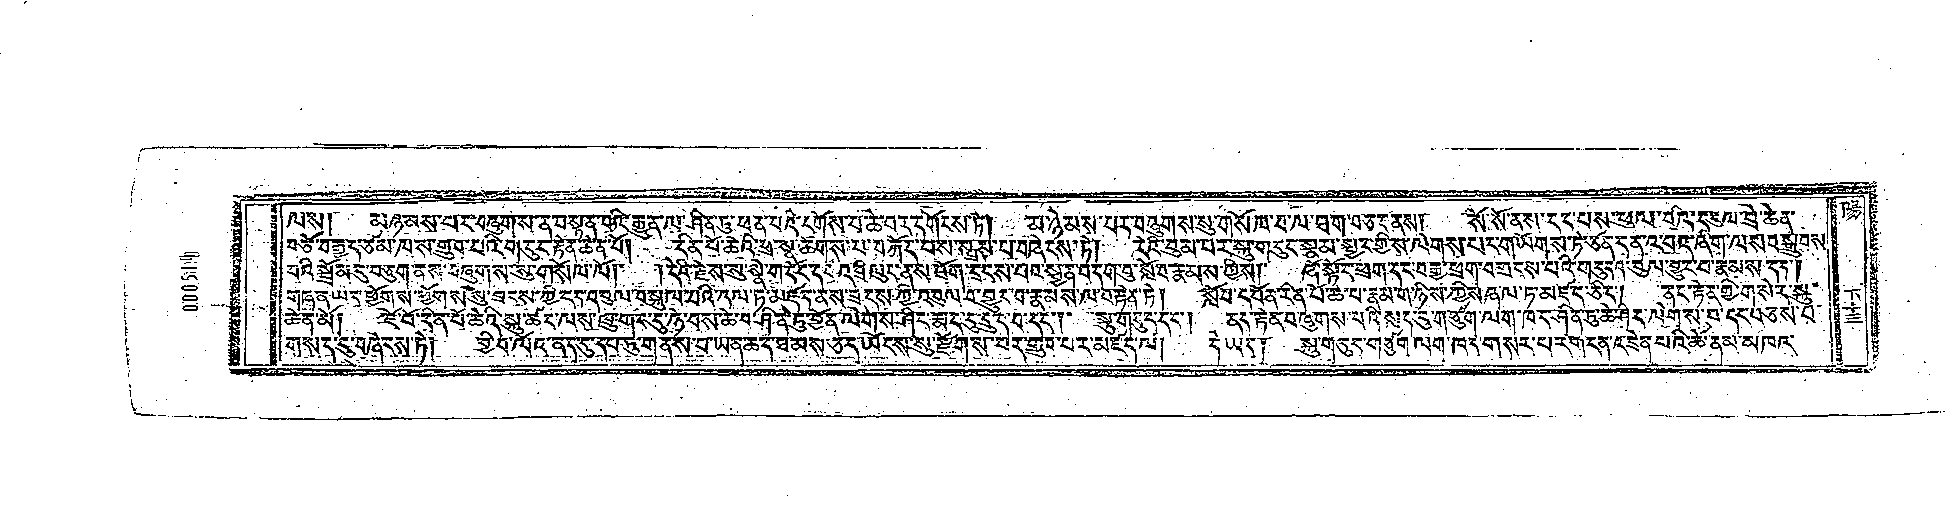ལས། མཉམས་པར་བཞུགས་ན་བསྟན་བའི་རྒྱུན་ལ་ཤིན་ཏུ་ཕན་པའི་དགོས་པ་ཆེ་བར་དགོངས་ཏེ། མ་ཉེམས་པར་བཞུགས་སུ་གསོལ་བ་ལ་ཐག་བཅད་ནས། སོ་སོ་ནས་དང་པས་ཕུལ་བའི་དངུལ་བྲེ་ཆེན་
བཅོ་བརྒྱད་ཙམ་ལས་གྲུབ་པའི་གདུང་རྟེན་ཆེན་པོ། རིན་པོ་ཆེའི་ཕྲ་སྣ་ཚོགས་པ་བརྐོད་པས་སྤྲོས་པ་བཞེངས་ཏེ། དེའི་བུམ་པར་སྐུ་གདུང་སྣམ་སྦྱང་གྱིས་ལེགས་པར་གཡོགས་ཏེ་ཙན་དན་འབའ་ཞིག་ལས་བསྒྲུབས་
པའི་སྒྲོམ་དུ་བཅུག་ནས་བཞུགས་སུ་གསོལ་ལོ། །དེའི་རྗེས་སུ་སྣེ་གདོང་དང་འབྲི་ལུང་ནས་ཐོག་དྲངས་པའི་སྦྱིན་བདག་བུ་སློབ་རྣམས་ཀྱིས། ཞོ་སྟོང་ཕྲག་དང་བརྒྱ་ཕྲག་བགྲངས་པའི་གདུང་འབུལ་བྱུང་བ་རྣམས་དང་།
གཞན་ཡང་ཕྱོགས་ཕྱོགས་སུ་བྲངས་ཀྱི་དང་འབུལ་བསྐུལ་བའི་ལ་ཏ་མཛད་ནས་ཟངས་ཀྱི་འབུལ་བ་བྱུང་བ་རྣམས་ལ་བརྟེན་ཏེ། སློབ་དཔོན་རིན་པོ་ཆེ་པ་རྣམ་གཉིས་ཀྱིས་ཞལ་ཏ་མཛད་ཅིང་། ནང་རྟེན་གྱི་གསེར་སྐུ་
ཆེན་མོ། ཇོ་བོ་རིན་པོ་ཆེའི་སྐུ་ཚང་ལས་ཁྲུ་གང་དུ་ཉེ་བས་ཆེ་བ་ཤིན་ཏུ་བྱོན་ལེགས་ཤིང་རྨང་དུ་དྲུང་བ་དང་། སྕ་གདུང་དང་། ནད་རྟེན་བཞུགས་པའི་སླད་དུ་གཙུག་ལག་ཁང་ཤིན་ཏུ་ཆེ་ཤིང་ལེགས་བ་དང་བཅས་པ་
གསར་དུ་བཞེངས་ཏེ། བྱི་བ་ལོའི་ནང་དུ་དཔ་ཏུ་གནས་པ་ཡང་རྣམས་ཀྱིས། ཞོ་སྟོང་ཕྲག་དང་བརྒྱ་ཕྲག་བགྲངས་པའི་སྐུ་གདུང་གཙུག་ལག་ཁང་གསར་པར་གདན་འདྲེན་པའི་ཚེ་ནམ་མཁའ་